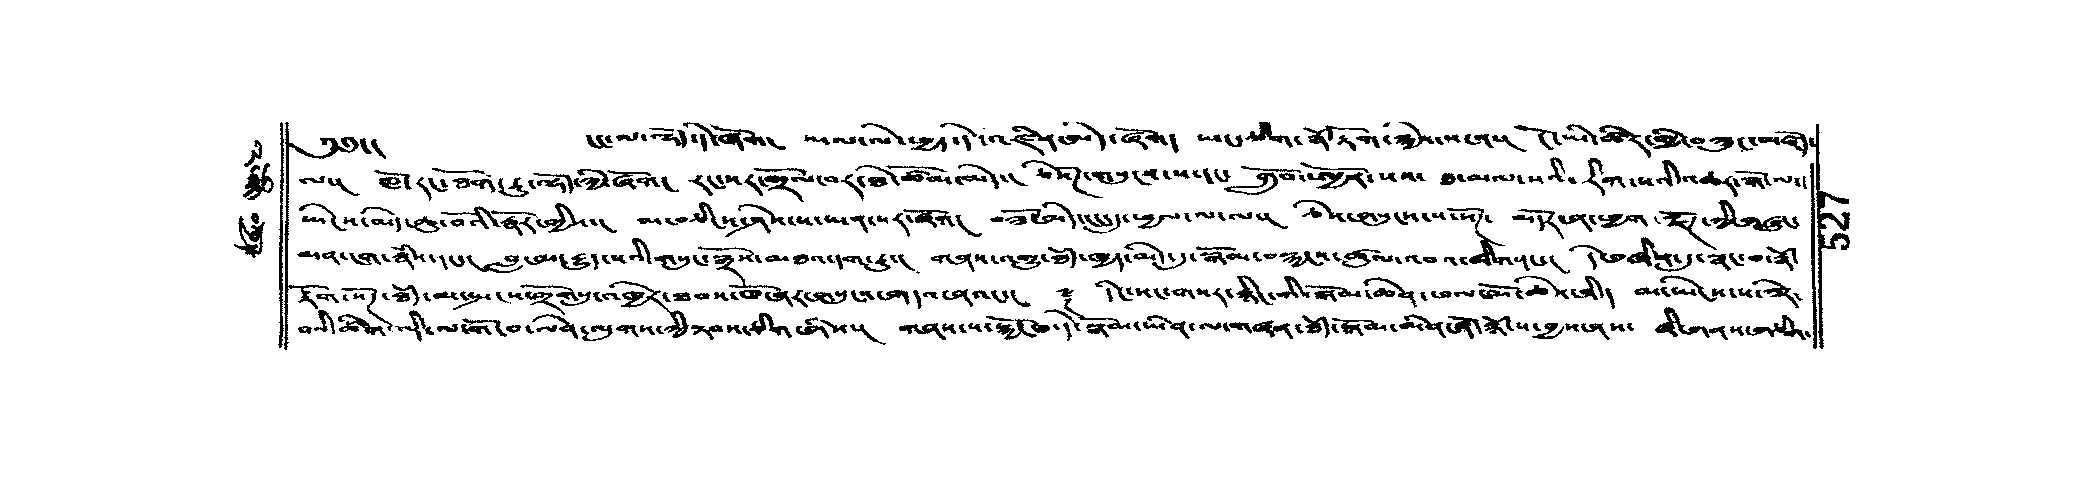ངང་ལ་ལྷོད་དེ་ཞོག །ཡལ་ལེ་ཕྱད་དེ་འཛིན་མེད་ཞོག །ཡང་ཅིག་རྣམ་རྟོག་སྐྱེས་པ་ན། །ངོ་ཡི་ཅེར་གྱི་བཟུང་མཛོད་
ལ། །ཁོ་རང་ཐོག་ཏུ་ལྷོད་ཀྱི་ཞོག །རང་སར་གྲོལ་བར་ཐེ་ཚོམ་མེད། ཅེས་སོགས་གསུངས་པ་དང་། གྲུབ་ཐོབ་ཨོ་རྒྱན་པས།ཐ་མལ་པའི་རིག་པའི་འཆར་སྒོ་ལ། །
ཡེངས་མེད་ཆུ་བོའི་རྣལ་འབྱོར་གྱིས། །མ་བཅིངས་ཤེས་པ་ཡན་པར་ཞོག །བཟོ་མེད་ངང་དུ་ཕྱལ་ལ་ལ། ཞེས་གསུངས་པ་སོགས། མདོར་ན་ཕྱག་རྫོགས་ཀྱི་གཞུང་
མན་ངག་རྣམས་དང་། བླ་མ་རྒྱུད་པའི་གསུང་སྒྲོས་མཐའ་དག་ཏུ། གནས་འགྱུ་ཐམས་ཅད་ཁྱད་མེད་དུ་སྒོམ་བསྐྱང་ཚུལ་འབའ་ཞིག་དང་། དེ་བཞིན་དུ་སྣང་བ་རྣམ་
རྟོག་སོགས་ཐམས་ཅད་མ་སྤངས་གྲོགས་སུ་འཁྱེར་ཐབས་ཁོ་ནར་གསུངས་གདའ་ནའང་། དིང་སང་གསར་རྙིང་གིས་སྒོམ་ཆེན་ཕལ་མོ་ཆེས་ནི། མ་ཡེངས་པ་ཟེར་
བའི་ཚིག་འདི་ལ་གོ་བ་ལེན་ལུགས་ཀྱི་སྟབས་ཅིག་གིས། གནས་པ་སྐྱོང་བ་དེ་སྒོམ་ཡིན་ལ་གཞན་ཐམས་ཅད་སྒོམ་མིན་ནོ་སྙམ་པ་བྱས་ནས། ཞི་གནས་གཅིག་